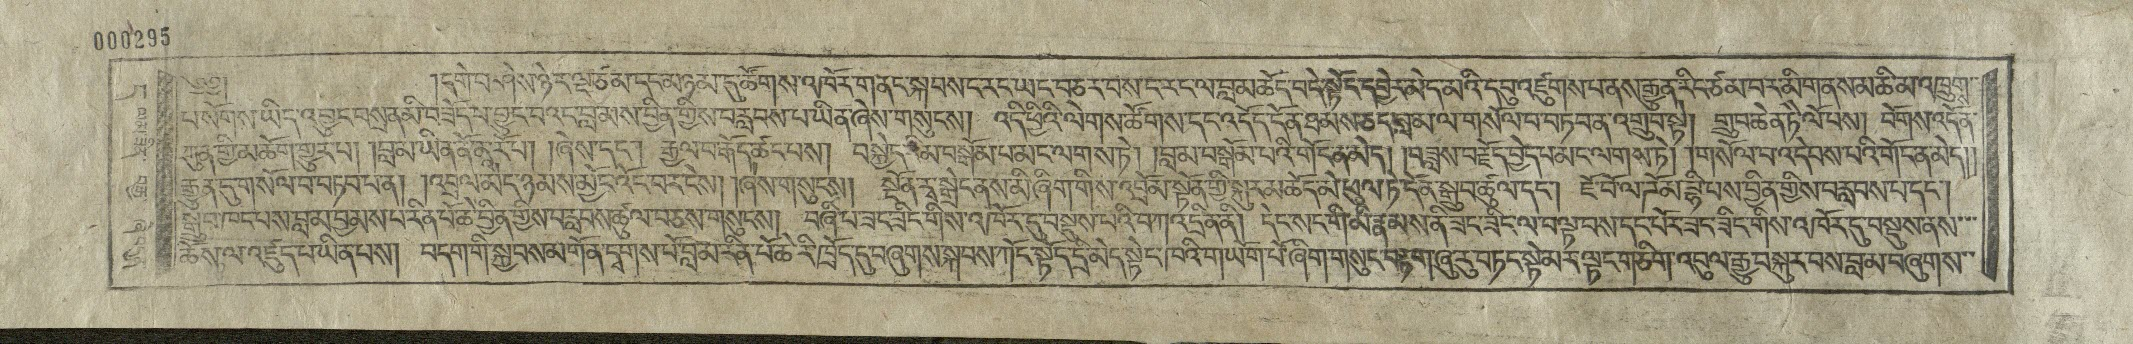༄༅། །དགེ་བཤེས་ཉེར་ལྔ་ཙམ་དང་མཉམ་དུ་ཚོགས་འཁོར་གནང་སྐབས་ང་རང་ཡང་བཅར་བས་ང་རང་ལ་བླ་མཆོད་བདེ་སྟོང་དབྱེར་མེད་མའི་དབུ་འཛུགས་པ་ནས་རྒྱུན་རིང་ཙམ་པར་མིག་ནས་མཆི་མ་འཁྲུགས་
པ་སོགས་ཡིད་འབྱུང་བསྲན་མི་བཟོད་པ་བྱུང་བའང་བླ་མས་བྱིན་གྱིས་བརླབས་པ་ཡིན་ཞེས་གསུངས། འདི་ཕྱིའི་ལེགས་ཚོགས་དང་འདོད་དོན་ཐམས་ཅད་བླ་མ་ལ་གསོལ་བ་བཏབ་ན་འགྲུབ་སྟེ། གྲུབ་ཆེན་ཏཻ་ལོ་པས། བོགས་འདོན་
ཀུན་གྱི་མཆོག་གྱུར་པ། །བླ་མ་ཡིན་ནོ་ནཱ་རོ་པ། །ཞེས་དང་། རྒྱལ་བ་རྒོད་ཚང་པས། བསྐྱེད་རིམ་བསྒོམ་པ་མང་ལགས་ཏེ། །བླ་མ་བསྒོམ་པའི་གོང་ན་མེད། །བཟླས་བརྗོད་བྱེད་པ་མང་ལགས་ཏེ། །གསོལ་བ་འདེབས་པའི་གོང་ན་མེད། །
རྒྱུན་དུ་གསོལ་བ་བཏབ་པ་ན། །འབྲལ་མེད་ཉམས་མྱོང་འོང་བར་ངེས། །ཞེས་གསུངས། སྔོན་རྭ་སྒྲེང་ནས་མི་ཞིག་གིས་འབྲོམ་སྟོན་གྱི་སྐུར་མཆོད་མེ་ཕུལ་ཏེ་དོན་སྒྲུབ་ཚུལ་དང་། ཇོ་བོ་ལ་ཌོམ་བྷི་པས་བྱིན་གྱིས་བརླབས་པ་དང་།
སྒྲུབ་ཁང་པས་བླ་མ་བྱམས་པ་རིན་པོ་ཆེ་བྱིན་གྱིས་བརླབས་ཚུལ་བཅས་གསུངས། བཞི་པ་ཟང་ཟིང་གིས་འཁོར་དུ་བསྡུས་པའི་བཀའ་དྲིན་ནི། དེང་སང་གི་མི་རྣམས་ནི་ཟང་ཟིང་ལ་བལྟ་བས་དང་པོར་ཟང་ཟིང་གིས་འཁོར་དུ་བསྡུས་ནས་
ཆོས་ལ་འཛུད་པ་ཡིན་པས། བདག་གི་སྐྱབས་མགོན་དྭགས་པོ་བླ་མ་རིན་པོ་ཆེ་རི་ཁྲོད་དུ་བཞུགས་སྐབས་ཀོང་སྟོད་དྲི་མེད་སྟེང་ཁའི་གཡོག་པོ་ཞིག་གསུང་བརྟག་ཞུ་རུ་བཏང་སྟེ་མར་ལྟང་གཅིག་འབུལ་རྒྱུ་བསྐུར་བས་བླ་མ་བཞུགས་